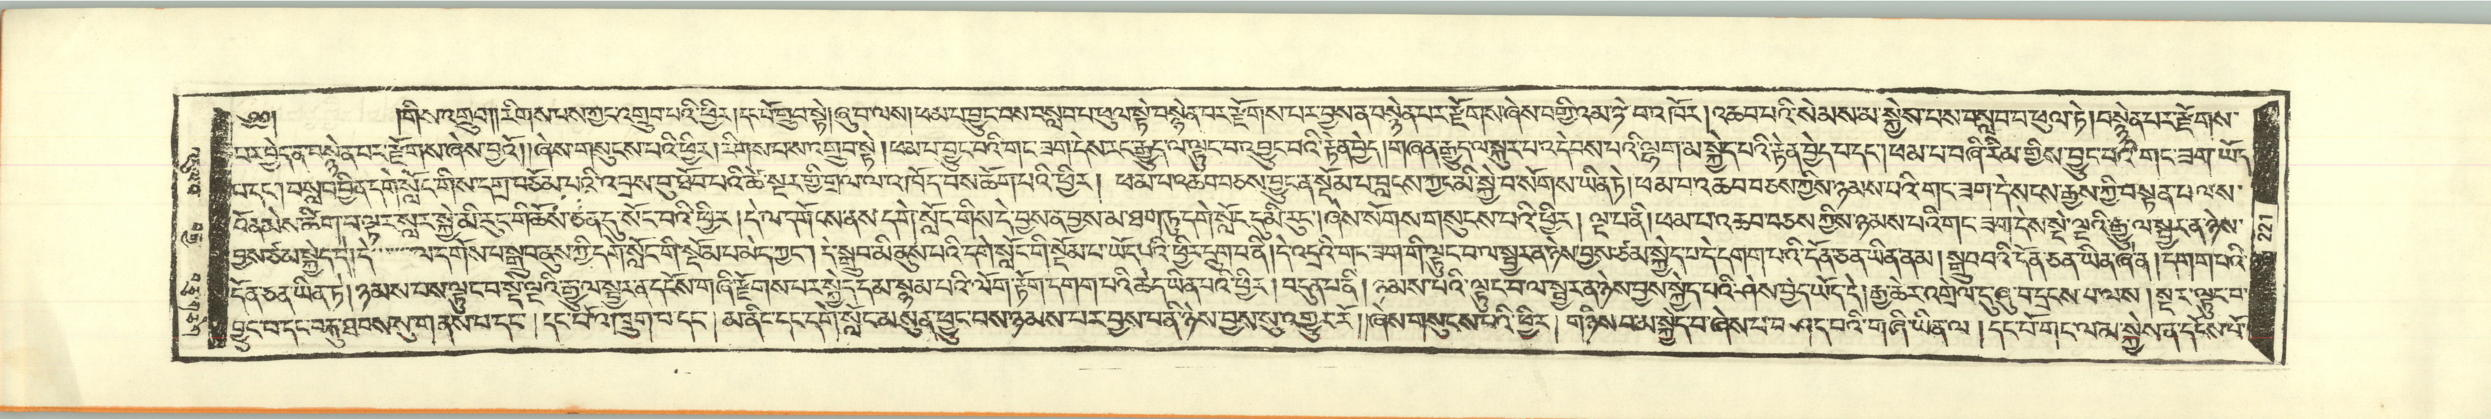༄༅། །གིས་འགྲུབ། །རིགས་པས་ཀྱང་འགྲུབ་པའི་ཕྱིར། དང་པོ་གྲུབ་སྟེ། ཞུ་བ་ལས། ཕམ་པ་བྱུང་བས་བསླབ་པ་ཕུལ་སྟེ་བསྙེན་པར་རྫོགས་པར་བྱས་ན་བསྙེན་པར་རྫོགས་ཞེས་བགྱི་འམ་ཉེ་བ་འཁོར། འཆབ་པའི་སེམས་མ་སྐྱེས་པས་བསླབ་པ་ཕུལ་ཏེ། བསྙེན་པར་རྫོགས་
པར་བྱེད་ན་བསྙེན་པར་རྫོགས་ཞེས་བྱའོ། །ཞེས་གསུངས་པའི་ཕྱིར། རིགས་པས་འགྲུབ་སྟེ། ཕམ་པ་བྱུང་བའི་གང་ཟག་དེས་རང་རྒྱུད་ལ་ལྟུང་བ་འབྱུང་བའི་རྟེན་བྱེད། གཞན་རྒྱུད་ལ་སྐུར་པ་འདེབས་པའི་ལྷག་མ་སྐྱེད་པའི་རྟེན་བྱེད་པ་དང་། ཕམ་པ་བཞི་རིམ་གྱིས་བྱུང་བའི་གང་ཟག་ཡོད་
པ་དང་། བསླབ་བྱིན་དགེ་སློང་གིས་དགྲ་བཅོམ་པའི་འབྲས་བུ་ཐོབ་པའི་ཚེ་སྔར་གྱི་གྲལ་ལ་འཁོད་པས་ཆོག་པའི་ཕྱིར། ཕམ་པ་འཆབ་བཅས་བྱུང་ན་སྡོམ་པ་བླངས་ཀྱང་མི་སྐྱེ་བ་སོགས་ཡིན་ཏེ། ཕམ་པ་འཆབ་བཅས་ཀྱིས་ཉམས་པའི་གང་ཟག་དེ་སངས་རྒྱས་ཀྱི་བསྟན་པ་ལས་
འོན་མེས་ཚིག་པ་ལྟར་སླར་སྐྱེ་མི་རུང་གི་ཆོས་ཅན་དུ་སོང་བའི་ཕྱིར། དེ་ལ་དགོངས་ནས་དགེ་སློང་གིས་དེ་བྱས་ན་བྱས་མ་ཐག་ཏུ་དགེ་སློང་དུ་མི་རུང་། ཞེས་སོགས་གསུངས་པའི་ཕྱིར། ལྔ་པ་ནི། ཕམ་པ་འཆབ་བཅས་ཀྱིས་ཉམས་པའི་གང་ཟག་དེས་སྡེ་ལྔའི་རྒྱུ་ལ་སྦྱར་ན་ཉེས་
བྱས་ཙམ་སྐྱེད་དེ། དེ་ལ་དགོས་པ་སྒྲུབ་ནུས་ཀྱི་དགེ་སློང་གི་སྡོམ་པ་མེད་ཀྱང་། དེ་སྒྲུབ་མི་ནུས་པའི་དགེ་སློང་གི་སྡོམ་པ་ཡོད་པའི་ཕྱིར་དྲུག་པ་ནི། དེ་འདྲའི་གང་ཟག་གི་ལྟུང་བ་ལ་སྦྱར་ན་ཉེས་བྱས་ཙམ་སྐྱེད་པ་དེ་དགག་པའི་དོན་ཅན་ཡིན་ནམ། སྒྲུབ་བའི་དོན་ཅན་ཡིན་ཞེ་ན། དགག་པའི་
དོན་ཅན་ཡིན་ཏེ། ཉམས་པས་ལྟུང་བ་སྡེ་ལྔའི་རྒྱུ་ལ་སྦྱར་ན་དངོས་གཞི་རྫོགས་པར་སྐྱེད་དམ་སྙམ་པའི་ལོག་རྟོག་དགག་པའི་ཆེད་ཡིན་པའི་ཕྱིར། བདུན་པ་ནི། ཉམས་པའི་ལྟུང་བ་ལ་སྦྱར་ན་ཉེས་བྱས་སྐྱེད་པའི་ཤེས་བྱེད་ཡོད་དེ། རྒྱ་ཆེར་འགྲེལ་དུ་ཞུ་བ་དྲངས་པ་ལས། སྔར་ལྟུང་བ་
བྱུང་བ་དང་བརྐུ་ཐབས་སུ་གནས་པ་དང་། དང་པོ་འཁྲུག་པ་དང་། མ་ནིང་དང་དགེ་སློང་མ་སུན་ཕྱུང་བས་ཉམས་པར་བྱས་པ་ནི་ཉེས་བྱས་སུ་འགྱུར་རོ། །ཞེས་གསུངས་པའི་ཕྱིར། གཉིས་པ་མ་སྐྱེད་པ་ཞེས་པ་བཤད་པའི་གཞི་ཡིན་ལ། དང་པོ་གང་ལ་མ་སྐྱེས་ན་དངོས་པོ་